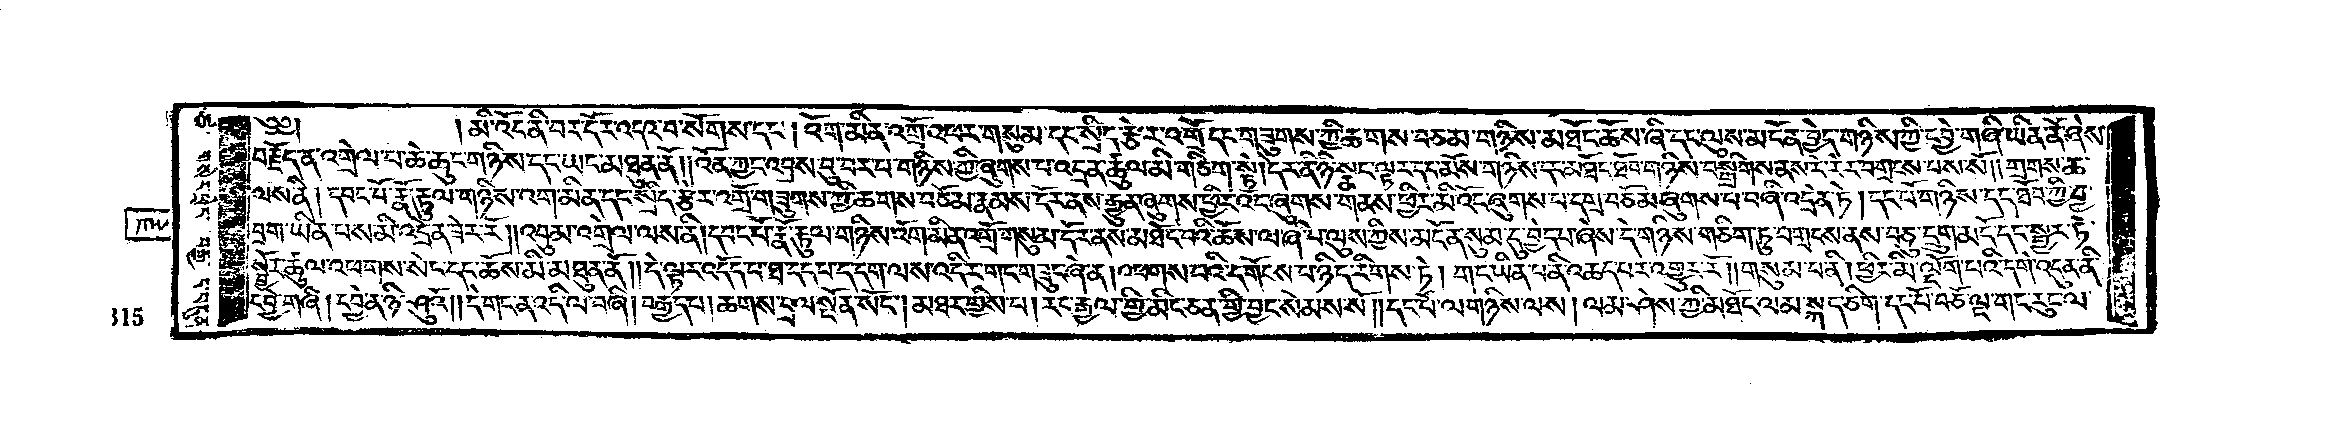༄༅། །མི་འོང་ནི་བར་དོར་འདའ་བ་སོགས་དང་། འོག་མིན་འགྲོ་འཕར་གསུམ་དང་སྲིད་རྩེར་འགྲོ་དང་གཟུགས་ཀྱི་ཆགས་བཅམ་གཉིས་མཐོང་ཆོས་ཞི་དང་ལུས་མངོན་བྱེད་གཉིས་ཀྱི་དབྱེ་གཞི་ཡིན་ནོ་ཞེས་
བརྗོད་ན་འགྲེལ་པ་ཆེ་ཆུང་གཉིས་དང་ཡང་མཐུན་ནོ། །འོན་ཀྱང་འབྲས་བུ་བར་པ་གཉིས་ཀྱི་ཞུགས་པ་འདྲན་ཚུལ་མི་གཅིག་སྟེ། དེར་ནི་ཉི་སྣང་ལྟར་དང་མོས་གཉིས་དང་མཐོང་ཐོབ་གཉིས་བསྒྲིགས་ནས་རེ་རེར་བགྲངས་པས་སོ། །གྲགས་ཆ་
ལས་ནི། དབང་པོ་རྣོ་རྟུལ་གཉིས་འོག་མིན་དང་སྲིད་རྩེར་འགྲོ་གཟུགས་ཀྱི་ཆགས་བཅོམ་རྣམས་དོར་ནས་རྒྱུན་ཞུགས་ཕྱིར་འོང་ཞུགས་གནས་ཕྱིར་མི་འོང་ཞུགས་པ་དགྲ་བཅོམ་ཞུགས་པ་བཞི་འདྲེན་ཏེ། དང་པོ་གཉིས་དང་ཐོབ་ཀྱི་བྱ་
བྲག་ཡིན་པས་མི་འདྲེན་ཟེར་རོ། །འབུམ་འགྲེལ་ལས་ནི། དབང་པོ་རྣོ་རྟུལ་གཉིས་འོག་མིན་འགྲོ་གསུམ་དོར་ནས་མཐོང་བའི་ཆོས་ལ་ཞི་པ་ལུས་ཀྱིས་མངོན་སུམ་དུ་བྱེད་པ་ཞེས་དེ་གཉིས་གཅིག་ཏུ་བགྲངས་ནས་བཅུ་དྲུག་མོད་དང་སྦྱར་ཏེ་
སྦྱོར་ཚུལ་འཕགས་སེང་དང་ཆེས་མི་མཐུན་ནོ། །དེ་ལྟར་འདོད་པ་ཐ་དད་པ་དེ་དག་ལས་འདིར་གང་གཟུང་ཞེ་ན། འཕགས་པའི་དགོངས་པ་ཉིད་རིགས་ཏེ། གང་ཡིན་པ་ནི་འཆད་པར་འགྱུར་རོ། །གསུམ་པ་ནི། ཕྱིར་མི་ལྡོག་པའི་དགེ་འདུན་ནི་
དབྱེ་གཞི། དབྱེ་ན་ཉི་ཤུའོ། །དེ་གང་ན་འདི་ལ་བཞི། བརྒྱད་པ། ཆགས་བྲལ་སྔོན་སོང་། མཐར་གྱིས་པ། རང་རྒྱལ་གྱི་མིང་ཅན་གྱི་བྱང་སེམས་སོ། །དང་པོ་ལ་གཉིས་ལས། ལམ་ཤེས་ཀྱི་མཐོང་ལམ་སྐད་ཅིག་དང་པོ་བཅོ་ལྔ་གང་རུང་ལ་